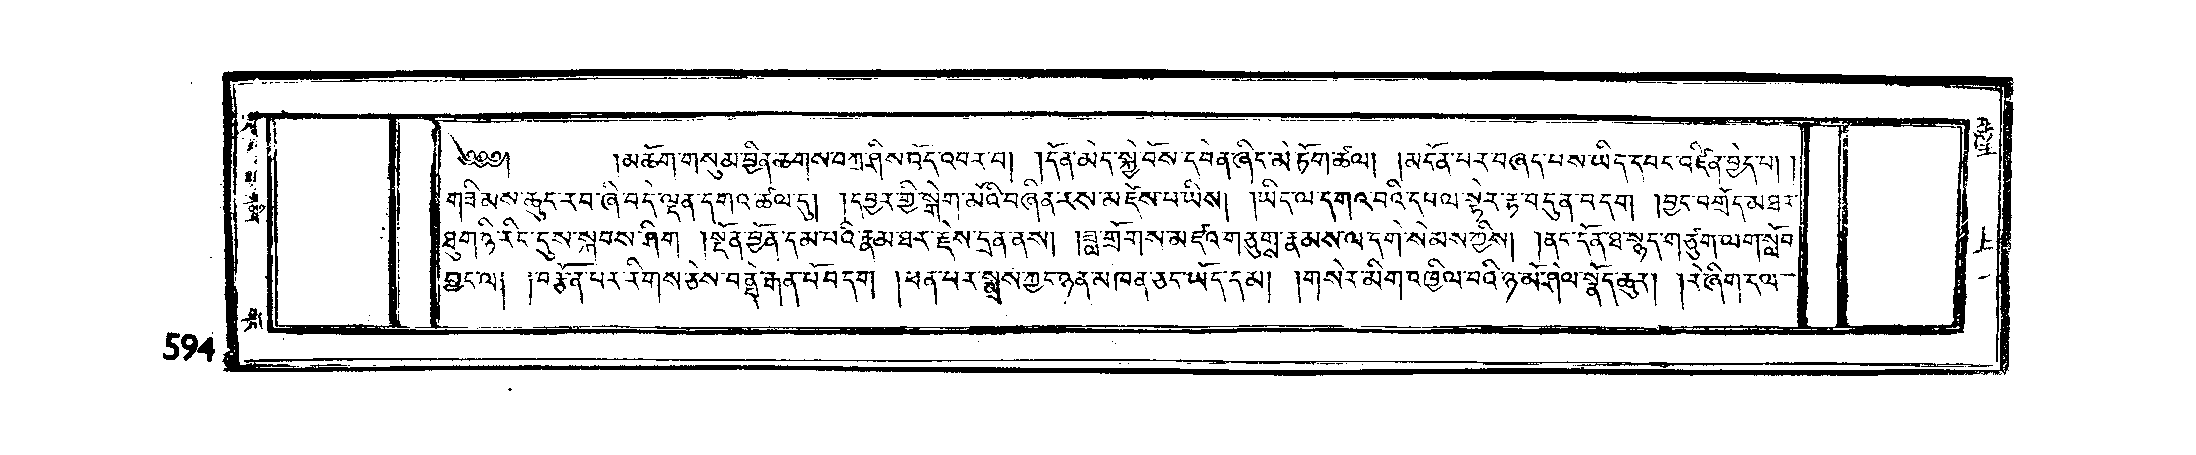༄༅། །མཆོག་གསུམ་བྱིན་ཆགས་བཀྲ་ཤིས་འོད་འབར་བ། །དོན་མེད་སྐྱེ་བོས་དབེན་ཞིང་མེ་ཏོག་ཚལ། །མངོན་པར་བཞད་པས་ཡིད་དབང་འཛིན་བྱེད་པ། །
གཟིམས་ཆུང་རབ་ཞི་བདེ་ལྡན་དགའ་ཚལ་དུ། །དབྱར་གྱི་སྒེག་མོའི་བཞིན་རས་མཛེས་པ་ཡིས། །ཡིད་ལ་དགའ་བའི་དཔལ་སྟེར་རྟ་བདུན་བདག །བྱང་བགྲོད་མཐར་
ཐུག་ཉི་རིང་དུས་སྐབས་ཤིག །སྔོན་བྱོན་དམ་པའི་རྣམ་ཐར་རྗེས་དྲན་ནས། །ཟླ་གྲོགས་མཛའ་གཅུགས་རྣམས་ལ་དགེ་སེམས་ཀྱིས། །ནང་དོན་ཐ་སྙད་གཙུག་ལག་སློབ་
བྱང་ལ། །བརྩོན་པར་རིགས་ཅེས་བནྡེ་རྒན་པོ་བདག །ཕན་པར་སྨྲས་ཀྱང་ཉན་མཁན་ཅང་ཡོད་དམ། །གསེར་མིག་འཁྱིལ་བའི་ཉ་མོ་ཤེལ་སྣོད་ཆུར། །རེ་ཞིག་ངལ་